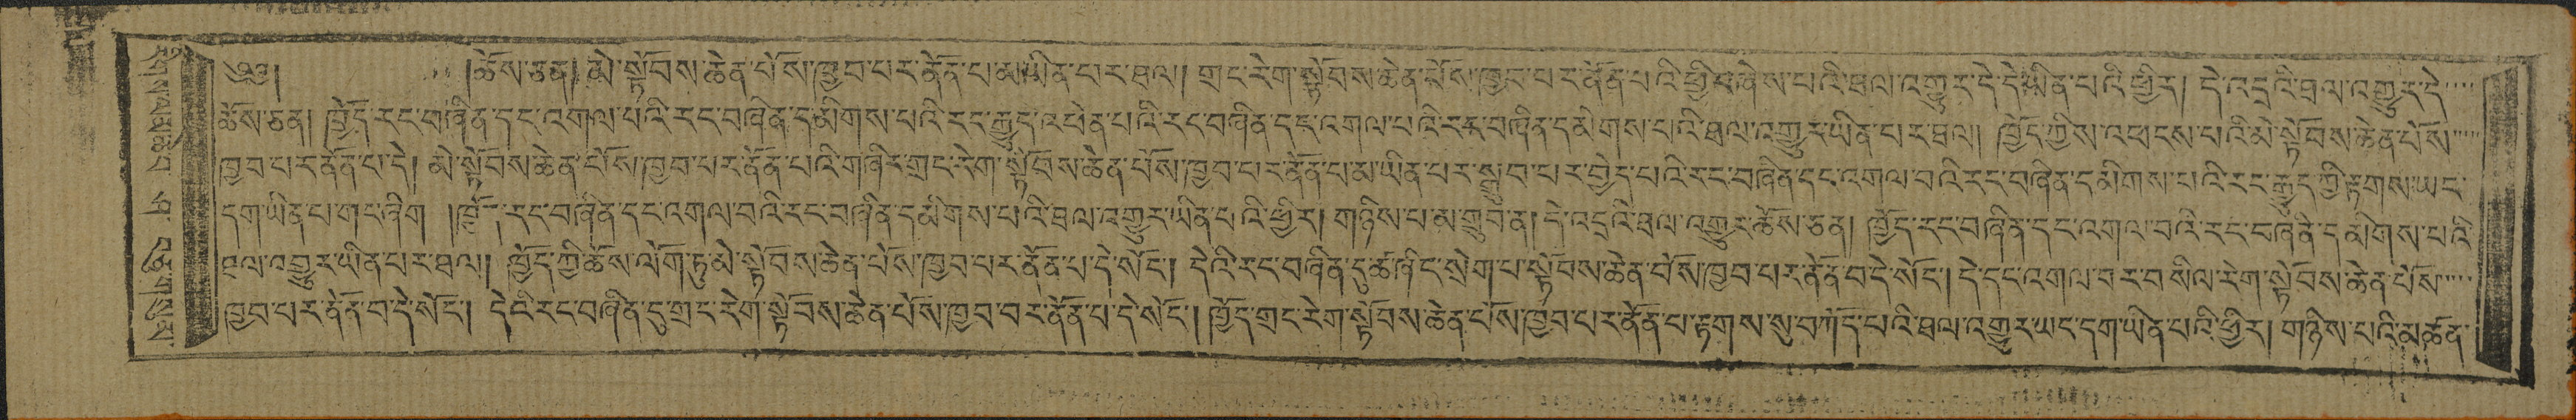༄༅། །ཆོས་ཅན། མེ་སྟོབས་ཆེན་པོས་ཁྱབ་པར་ནོན་པ་མ་ཡིན་པར་ཐལ། གྲང་རེག་སྟོབས་ཆེན་པོས་ཁྱབ་པར་ནོན་པའི་ཕྱིར་ཞེས་པའི་ཐལ་འགྱུར་དེ་དེ་ཡིན་པའི་ཕྱིར། དེ་འདྲའི་ཐལ་འགྱུར་དེ་
ཆོས་ཅན། ཁྱོད་རང་བཞིན་དང་འགལ་པའི་རང་བཞིན་དམིགས་པའི་རང་རྒྱུད་འཕེན་པའི་རང་བཞིན་དང་འགལ་བའི་རང་བཞིན་དམིགས་པའི་ཐལ་འགྱུར་ཡིན་པར་ཐལ། ཁྱོད་ཀྱིས་འཕངས་པའི་མེ་སྟོབས་ཆེན་པོས་
ཁྱབ་པར་ནོན་པ་དེ། མེ་སྟོབས་ཆེན་པོས་ཁྱབ་པར་ནོན་པའི་གཞིར་གྲང་རེག་སྟོབས་ཆེན་པོས་ཁྱབ་པར་ནོན་པ་མ་ཡིན་པར་སྒྲུབ་པར་བྱེད་པའི་རང་བཞིན་དང་འགལ་བའི་རང་བཞིན་དམིགས་པའི་རང་རྒྱུད་ཀྱི་རྟགས་ཡང་
དག་ཡིན་པ་གང་ཞིག །ཁྱོད་རང་བཞིན་དང་འགལ་བའི་རང་བཞིན་དམིགས་པའི་ཐལ་འགྱུར་ཡིན་པའི་ཕྱིར། གཉིས་པ་མ་གྲུབ་ན། དེ་འདྲའི་ཐལ་འགྱུར་ཆོས་ཅན། ཁྱོད་རང་བཞིན་དང་འགལ་བའི་རང་བཞིན་དམིགས་པའི་
ཐལ་འགྱུར་ཡིན་པར་ཐལ། ཁྱོད་ཀྱི་ཆོས་ལོག་ཏུ་མེ་སྟོབས་ཆེན་པོས་ཁྱབ་པར་ནོན་པ་དེ་སོང་། དེའི་རང་བཞིན་དུ་ཚ་ཞིང་སྲེག་པ་སྟོབས་ཆེན་པོས་ཁྱབ་པར་ནོན་པ་དེ་སོང་། དེ་དང་འགལ་བར་བསིལ་རིག་སྟོབས་ཆེན་པོས་
ཁྱབ་པར་ནོན་བ་དེ་སོང་། དེའི་རང་བཞིན་དུ་གྲང་རེག་སྟོབས་ཆེན་པོས་ཁྱབ་པར་ནོན་པ་དེ་སོང་། ཁྱོད་གྲང་རེག་སྟོབས་ཆེན་པོས་ཁྱབ་པར་ནོན་པ་རྟགས་སུ་བཀོད་པའི་ཐལ་འགྱུར་ཡང་དག་ཡིན་པའི་ཕྱིར། གཉིས་པའི་མཚན་